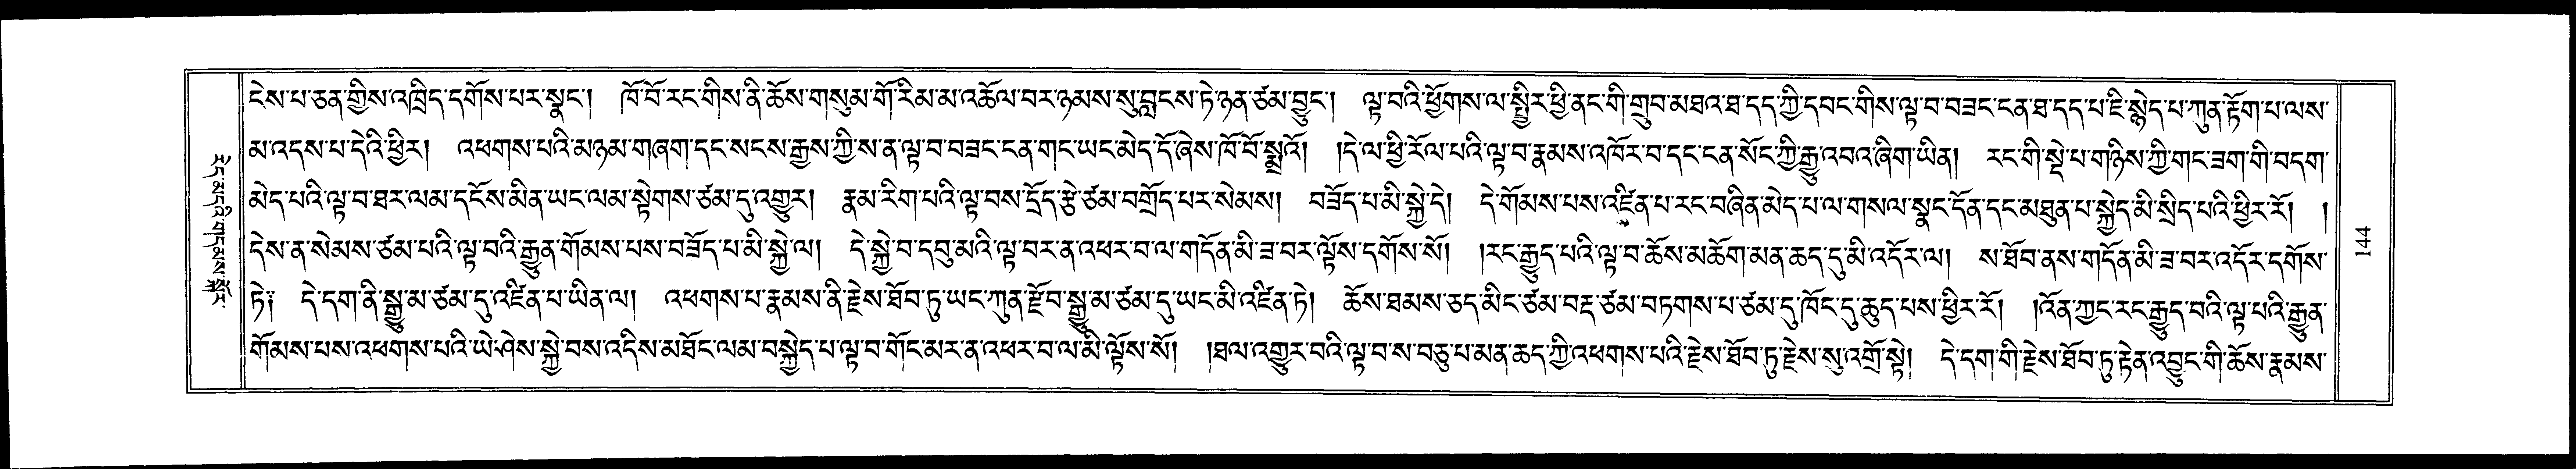ངེས་པ་ཅན་གྱིས་འཁྲིད་དགོས་པར་སྣང་། ཁོ་བོ་རང་གིས་ནི་ཆོས་གསུམ་གོ་རིམ་མ་འཆོལ་བར་ཉམས་སུ་བླངས་ཏེ་ཉན་ཙམ་བྱུང་། ལྟ་བའི་ཕྱོགས་ལ་སྤྱིར་ཕྱི་ནང་གི་གྲུབ་མཐའ་ཐ་དད་ཀྱི་དབང་གིས་ལྟ་བ་བཟང་ངན་ཐ་དད་པ་ཇི་སྙེད་པ་ཀུན་རྟོག་པ་ལས་
མ་འདས་པ་དེའི་ཕྱིར། འཕགས་པའི་མཉམ་གཞག་དང་སངས་རྒྱས་ཀྱི་ས་ན་ལྟ་བ་བཟང་ངན་གང་ཡང་མེད་དོ་ཞེས་ཁོ་བོ་སྨྲའོ། །དེ་ལ་ཕྱི་རོལ་པའི་ལྟ་བ་རྣམས་འཁོར་བ་དང་ངན་སོང་ཀྱི་རྒྱུ་འབའ་ཞིག་ཡིན། རང་གི་སྡེ་པ་གཉིས་ཀྱི་གང་ཟག་གི་བདག་
མེད་པའི་ལྟ་བ་ཐར་ལམ་དངོས་མིན་ཡང་ལམ་སྟེགས་ཙམ་དུ་འགྱུར། རྣམ་རིག་པའི་ལྟ་བས་དྲོད་རྩེ་ཙམ་བགྲོད་པར་སེམས། བཟོད་པ་མི་སྐྱེ་དེ། དེ་གོམས་པས་འཛིན་པ་རང་བཞིན་མེད་པ་ལ་གསལ་སྣང་དོན་དང་མཐུན་པ་སྐྱེད་མི་སྲིད་པའི་ཕྱིར་རོ། །
དེས་ན་སེམས་ཙམ་པའི་ལྟ་བའི་རྒྱུན་གོམས་པས་བཟོད་པ་མི་སྐྱེ་ལ། དེ་སྐྱེ་བ་དབུ་མའི་ལྟ་བར་ན་འཕར་བ་ལ་གདོན་མི་ཟ་བར་ལྟོས་དགོས་སོ། །རང་རྒྱུད་པའི་ལྟ་བ་ཆོས་མཆོག་མན་ཆད་དུ་མི་འདོར་ལ། ས་ཐོབ་ནས་གདོན་མི་ཟ་བར་འདོར་དགོས་
ཏེ། དེ་དག་ནི་སྒྱུ་མ་ཙམ་དུ་འཛིན་པ་ཡིན་ལ། འཕགས་པ་རྣམས་ནི་རྗེས་ཐོབ་ཏུ་ཡང་ཀུན་རྫོབ་སྒྱུ་མ་ཙམ་དུ་ཡང་མི་འཛིན་ཏེ། ཆོས་ཐམས་ཅད་མིང་ཙམ་བརྡ་ཙམ་བཏགས་པ་ཙམ་དུ་ཁོང་དུ་ཆུད་པས་ཕྱིར་རོ། །འོན་ཀྱང་རང་རྒྱུད་བའི་ལྟ་པའི་རྒྱུན་
གོམས་པས་འཕགས་པའི་ཡེ་ཤེས་སྐྱེ་བས་འདིས་མཐོང་ལམ་བསྐྱེད་པ་ལྟ་བ་གོང་མར་ན་འཕར་བ་ལ་མི་ལྟོས་སོ། །ཐལ་འགྱུར་བའི་ལྟ་བ་ས་བཅུ་པ་མན་ཆད་ཀྱི་འཕགས་པའི་རྗེས་ཐོབ་ཏུ་རྗེས་སུ་འགྲོ་སྟེ། དེ་དག་གི་རྗེས་ཐོབ་ཏུ་རྟེན་འབྱུང་གི་ཆོས་རྣམས་